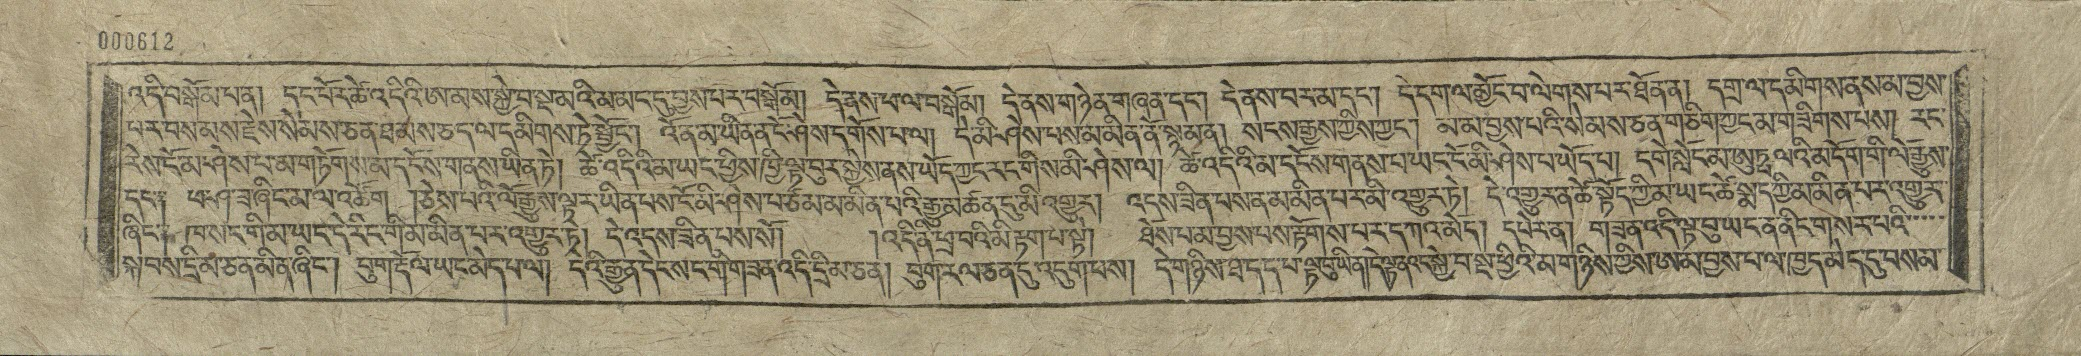འདི་བསྒོམ་པ་ན། དང་པོར་ཚེ་འདིའི་ཨ་མས་སྐྱེ་བ་སྔ་མའི་མ་མང་དུ་བྱས་པར་བསྒོམ། དེ་ནས་ཕ་ལ་བསྒོམ། དེ་ནས་གཉེན་གཞན་དང་། དེ་ནས་བར་མ་དང་། དེ་དག་ལ་མྱོང་བ་ལེགས་པར་ཐོན་ན། དགྲ་ལ་དམིགས་ནས་མ་བྱས་
པར་བསམས་རྗེས་སེམས་ཅན་ཐམས་ཅད་ལ་དམིགས་ཏེ་སྦྱོང་། འོ་ན་མ་ཡིན་ན་ངོ་ཤེས་དགོས་པ་ལ། དེ་མི་ཤེས་པས་མ་མིན་ནོ་སྙམ་ན། སངས་རྒྱས་ཀྱིས་ཀྱང་། མ་མ་བྱས་པའི་སེམས་ཅན་གཅིག་ཀྱང་མ་གཟིགས་པས། རང་
རེས་ངོ་མ་ཤེས་པ་མ་གཏོགས་མ་དངོས་གནས་ཡིན་ཏེ། ཚེ་འདིའི་མ་ཡང་ཕྱིས་ཁྱི་ལྟ་བུར་སྐྱེས་ནས་ཡོད་ཀྱང་རང་གིས་མི་ཤེས་ལ། ཚེ་འདིའི་མ་དངོས་གནས་པ་ཡང་ངོ་མི་ཤེས་པ་ཡོད་པ། དགེ་སློང་མ་ཨུཏྤ་ལའི་?་མདོག་གི་ལོ་རྒྱུས་
དང༑ ཕ་ཤ་ཟ་ཞིང་མ་ལ་འཚོག །ཅེས་པའི་ལོ་རྒྱུས་ལྟར་ཡིན་པས་ངོ་མི་ཤེས་པ་ཙམ་མ་མིན་པའི་རྒྱུ་མཚན་དུ་མི་འགྱུར། འདས་ཟིན་པས་ན་མ་མིན་པར་མི་འགྱུར་ཏེ། དེ་འགྱུར་ན་ཚེ་སྟོད་ཀྱི་མ་ཡང་ཚེ་སྨད་ཀྱི་མ་མིན་པར་འགྱུར་
ཞིང༑ ཁ་སང་གི་མ་ཡང་དེ་རིང་གི་མ་མིན་པར་འགྱུར་ཏེ། དེ་འདས་ཟིན་པས་སོ། །འདི་ནི་ཕྲ་བའི་མི་རྟག་པ་སྟེ། ཐོས་པ་མ་བྱས་པས་རྟོགས་པར་དཀའ་མོད། དཔེར་ན། གཟན་འདི་ལྟ་བུ་ཡང་ན་ནིང་གསར་པའི་
སྐབས་དྲི་མ་ཅན་མིན་ཞིང་། བུག་རྡོལ་ཡང་མེད་པ་ལ། དེའི་རྒྱུན་དེང་སང་གི་གཟན་འདི་དྲི་མ་ཅན། བུག་རལ་ཅན་དུ་འདུག་པས། དེ་གཉིས་ཐ་དད་པ་ལྟ་བུ་ཡིན། དེ་ལྟ་ནའང་སྐྱེ་བ་སྔ་ཕྱིའི་མ་གཉིས་ཀྱིས་ཨ་མ་བྱས་པ་ལ་ཁྱད་མེད་དུ་བསམ་